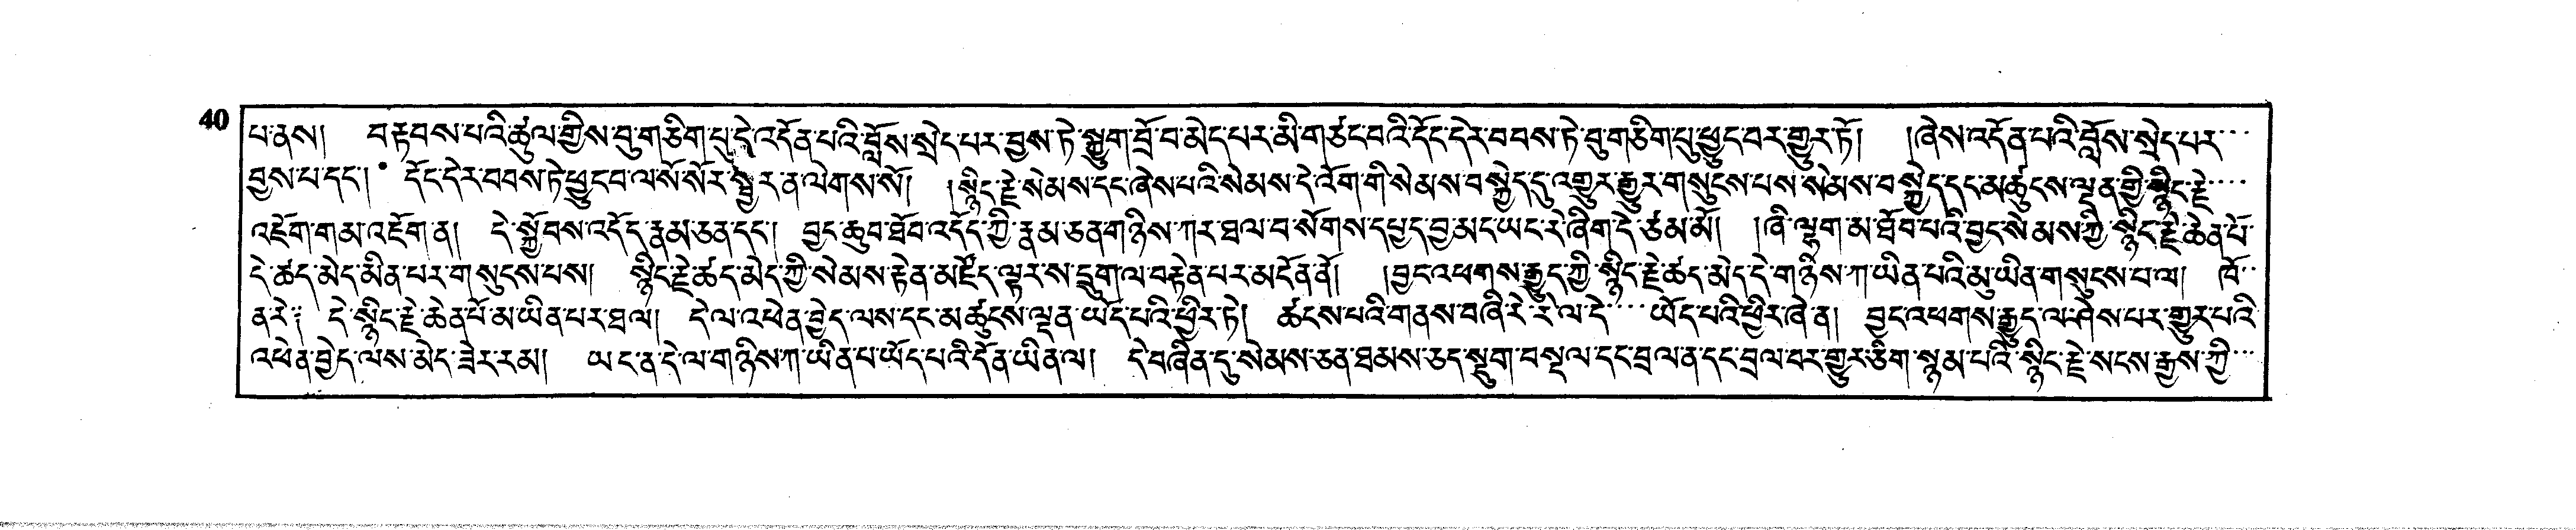པ་ནས། བརྟབས་པའི་ཚུལ་གྱིས་བུ་གཅིག་པུ་དེ་འདོན་པའི་བློས་སྲེད་པར་བྱས་ཏེ་སྐྱུག་བྲོ་བ་མེད་པར་མི་གཙང་བའི་དོང་དེར་བབས་ཏེ་བུ་གཅིག་པུ་ཕྱུང་བར་གྱུར་ཏོ། །ཞེས་འདོན་པའི་བློས་སྲེད་པར་
བྱས་པ་དང་། དོང་དེར་བབས་ཏེ་ཕྱུང་བ་ལ་སོ་སོར་སྦྱར་ན་ལེགས་སོ། །སྙིང་རྗེ་སེམས་དང་ཞེས་པའི་སེམས་དེ་འོག་གི་སེམས་བསྐྱེད་དུ་འགྱུར་རྒྱུར་གསུངས་པས་སེམས་བསྐྱེད་དང་མཚུངས་ལྡན་གྱི་སྙིང་རྗེ་
འཇོག་གམ་འཇོག་ན། དེ་སྐྱོབས་འདོད་རྣམ་ཅན་དང་། བྱང་ཆུབ་ཐོབ་འདོད་ཀྱི་རྣམ་ཅན་གཉིས་ཀར་ཐལ་བ་སོགས་དཔྱད་བྱ་མང་ཡང་རེ་ཞིག་དེ་ཙམ་མོ། །ཞི་ལྷག་མ་ཐོབ་པའི་བྱང་སེམས་ཀྱི་སྙིང་རྗེ་ཆེན་པོ་
དེ་ཚད་མེད་མིན་པར་གསུངས་པས། སྙིང་རྗེ་ཚད་མེད་ཀྱི་སེམས་རྟེན་མཛོད་ལྟར་ས་དྲུག་ལ་བརྟེན་པར་མངོན་ནོ། །བྱང་འཕགས་རྒྱུད་ཀྱི་སྙིང་རྗེ་ཚད་མེད་དེ་གཉིས་ཀ་ཡིན་པའི་མུ་ཡིན་གསུངས་པ་ལ། ཁོ་
ན་རེ། དེ་སྙིང་རྗེ་ཆེན་པོ་མ་ཡིན་པར་ཐལ། དེ་ལ་འཕེན་བྱེད་ལས་དང་མཚུངས་ལྡན་ཡོད་པའི་ཕྱིར་ཏེ། ཚངས་པའི་གནས་བཞི་རེ་རེ་ལ་དེ་ཡོད་པའི་ཕྱིར་ཞེ་ན། བྱང་འཕགས་རྒྱུད་ལ་ཤེས་པར་གྱུར་པའི་
འཕེན་བྱེད་ལས་མེད་ཟེར་རམ། ཡང་ན་དེ་ལ་གཉིས་ཀ་ཡིན་པ་ཡོད་པའི་དོན་ཡིན་ལ། དེ་བཞིན་དུ་སེམས་ཅན་ཐམས་ཅད་སྡུག་བསྔལ་དང་བྲལ་ན་དང་བྲལ་བར་གྱུར་ཅིག་སྙམ་པའི་སྙིང་རྗེ་སངས་རྒྱས་ཀྱི་